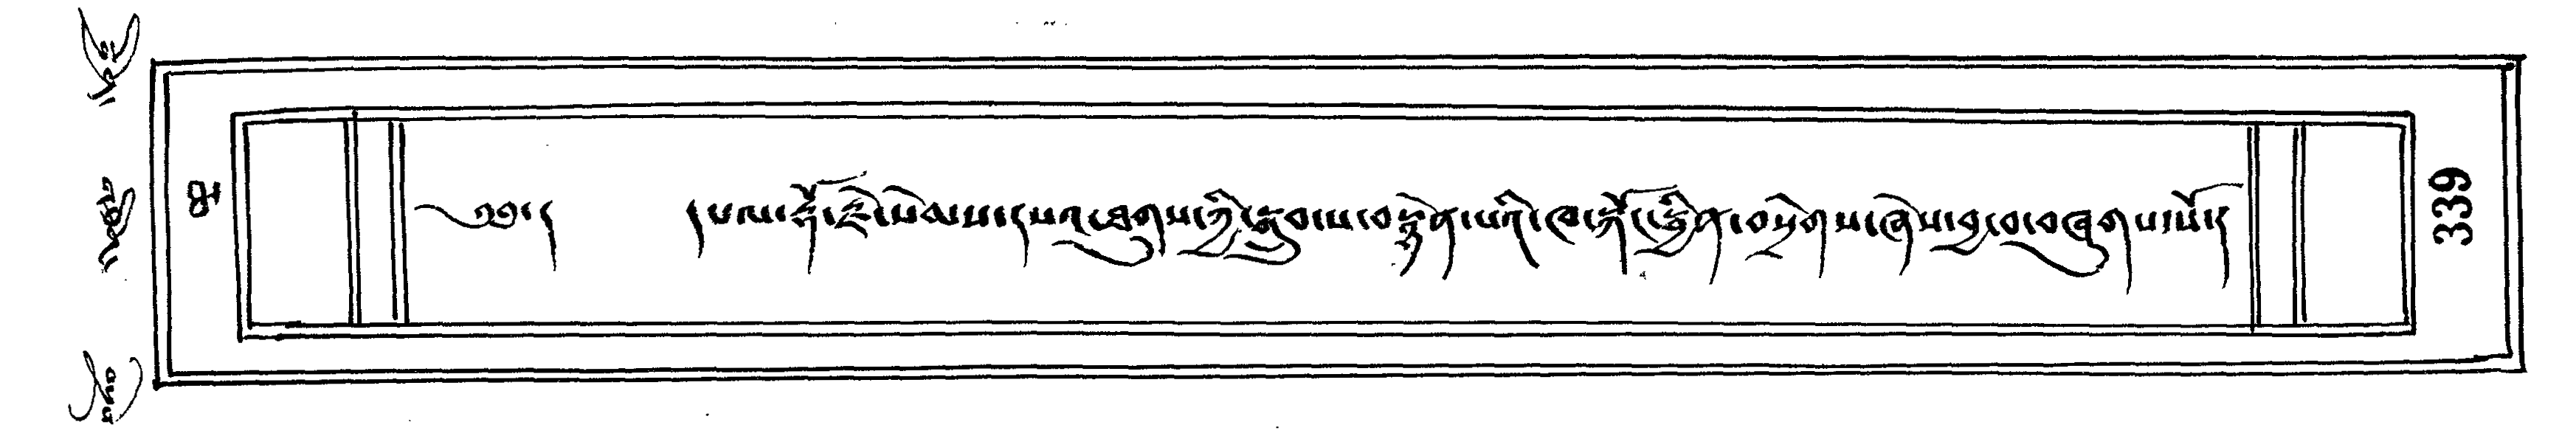༄༅། དཔལ་རྡོ་རྗེ་སེམས་དཔའི་ཐུགས་ཀྱི་སྒྲུབ་པའི་བསྙེན་པའི་ཁ་སྐོང་སྦྱིན་སྲེག་བཞུགས་སོ།།